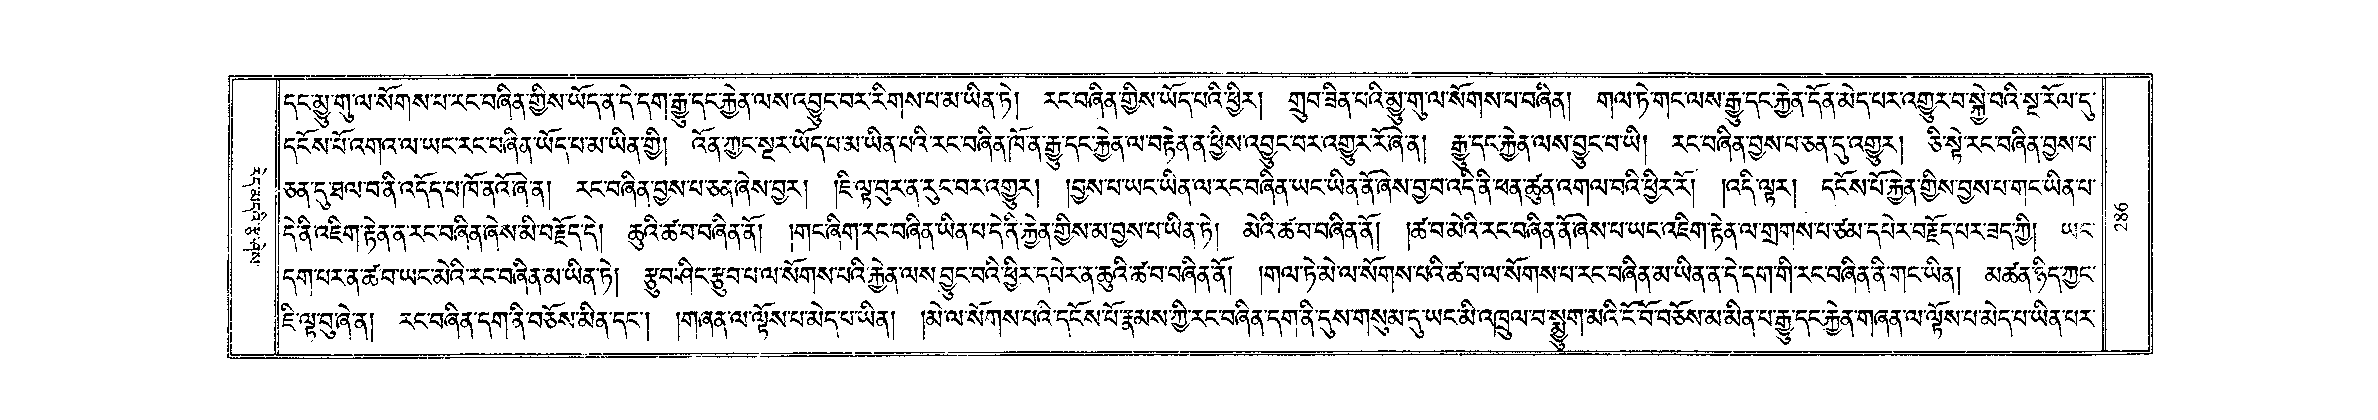དང་མྱུ་གུ་ལ་སོགས་པ་རང་བཞིན་གྱིས་ཡོད་ན་དེ་དག་རྒྱུ་དང་རྐྱེན་ལས་འབྱུང་བར་རིགས་པ་མ་ཡིན་ཏེ། རང་བཞིན་གྱིས་ཡོད་པའི་ཕྱིར། གྲུབ་ཟིན་པའི་མྱུ་གུ་ལ་སོགས་པ་བཞིན། གལ་ཏེ་གང་ལས་རྒྱུ་དང་རྐྱེན་དོན་མེད་པར་འགྱུར་བ་སྐྱེ་བའི་སྔ་རོལ་དུ་
དངོས་པོ་འགའ་ལ་ཡང་རང་བཞིན་ཡོད་པ་མ་ཡིན་གྱི། འོན་ཀྱང་སྔར་ཡོད་པ་མ་ཡིན་པའི་རང་བཞིན་ཁོ་ན་རྒྱུ་དང་རྐྱེན་ལ་བརྟེན་ན་ཕྱིས་འབྱུང་བར་འགྱུར་རོ་ཞེ་ན། རྒྱུ་དང་རྐྱེན་ལས་བྱུང་བ་ཡི། རང་བཞིན་བྱས་པ་ཅན་དུ་འགྱུར། ཅི་སྟེ་རང་བཞིན་བྱས་པ་
ཅན་དུ་ཐལ་བ་ནི་འདོད་པ་ཁོ་ནའོ་ཞེ་ན། རང་བཞིན་བྱས་པ་ཅན་ཞེས་བྱར། །ཇི་ལྟ་བུར་ན་རུང་བར་འགྱུར། །བྱས་པ་ཡང་ཡིན་ལ་རང་བཞིན་ཡང་ཡིན་ནོ་ཞེས་བྱ་བ་འདི་ནི་ཕན་ཚུན་འགལ་བའི་ཕྱིར་རོ། །འདི་ལྟར། དངོས་པོ་རྐྱེན་གྱིས་བྱས་པ་གང་ཡིན་པ་
དེ་ནི་འཇིག་རྟེན་ན་རང་བཞིན་ཞེས་མི་བརྗོད་དེ། ཆུའི་ཚ་བ་བཞིན་ནོ། །གང་ཞིག་རང་བཞིན་ཡིན་པ་དེ་ནི་རྐྱེན་གྱིས་མ་བྱས་པ་ཡིན་ཏེ། མེའི་ཚ་བ་བཞིན་ནོ། །ཚ་བ་མེའི་རང་བཞིན་ནོ་ཞེས་པ་ཡང་འཇིག་རྟེན་ལ་གྲགས་པ་ཙམ་དཔེར་བརྗོད་པར་ཟད་ཀྱི། ཡང་
དག་པར་ན་ཚ་བ་ཡང་མེའི་རང་བཞིན་མ་ཡིན་ཏེ། རྩུབ་ཤིང་རྩུབ་པ་ལ་སོགས་པའི་རྐྱེན་ལས་བྱུང་བའི་ཕྱིར་དཔེར་ན་ཆུའི་ཚ་བ་བཞིན་ནོ། །གལ་ཏེ་མེ་ལ་སོགས་པའི་ཚ་བ་ལ་སོགས་པ་རང་བཞིན་མ་ཡིན་ན་དེ་དག་གི་རང་བཞིན་ནི་གང་ཡིན། མཚན་ཉིད་ཀྱང་
ཇི་ལྟ་བུ་ཞེ་ན། རང་བཞིན་དག་ནི་བཅོས་མིན་དང་། །གཞན་ལ་ལྟོས་པ་མེད་པ་ཡིན། །མེ་ལ་སོགས་པའི་དངོས་པོ་རྣམས་ཀྱི་རང་བཞིན་དག་ནི་དུས་གསུམ་དུ་ཡང་མི་འཁྲུལ་བ་སྨྱུག་མའི་ངོ་བོ་བཅོས་མ་མིན་པ་རྒྱུ་དང་རྐྱེན་གཞན་ལ་ལྟོས་པ་མེད་པ་ཡིན་པར་